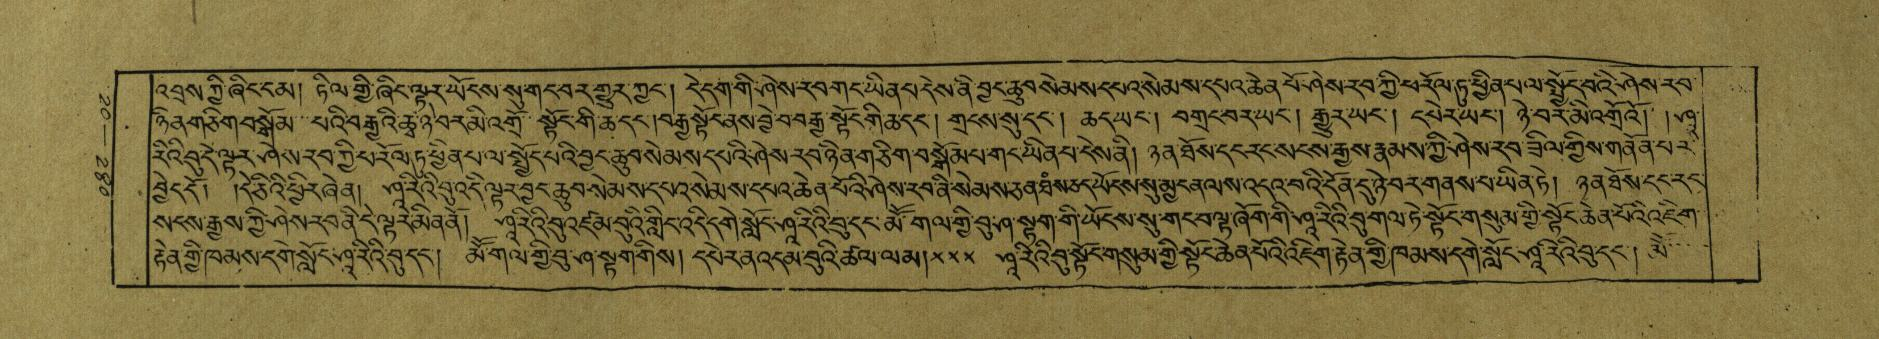འབྲས་ཀྱི་ཞིང་ངམ། ཏིལ་གྱི་ཞིང་ལྟར་ཡོངས་སུ་གང་བར་གྱུར་ཀྱང་། དེ་དག་གི་ཤེས་རབ་གང་ཡིན་པ་དེས་ནི་བྱང་ཆུབ་སེམས་དཔའ་སེམས་དཔའ་ཆེན་པོ་ཤེས་རབ་ཀྱི་ཕ་རོལ་ཏུ་ཕྱིན་པ་ལ་སྤྱོད་བའི་ཤེས་རབ་
ཉིན་གཅིག་བསྒོམ་པའི་བརྒྱའི་ཆྭ་ཉེ་བར་མི་འགྲོ་སྟོང་གི་ཆ་དང་། བརྒྱ་སྟོང་ནས་བྱེ་བ་བརྒྱ་སྟོང་གི་ཆ་དང་། གྲངས་སུ་དང་། ཆད་ཡང་། བགྲང་བར་ཡང་། རྒྱུར་ཡང་། དཔེར་ཡང་། ཉེ་བར་མི་འགྲོའོ། །ཤཱ་
རིའི་བུ་དེ་ལྟར་ཤེས་རབ་ཀྱི་ཕ་རོལ་ཏུ་ཕྱིན་པ་ལ་སྤྱོད་པའི་བྱང་ཆུབ་སེམས་དཔའི་ཤེས་རབ་ཉིན་གཅིག་བསྒོམ་པ་གང་ཡིན་པ་དེས་ནི། ཉན་ཐོས་དང་རང་སངས་རྒྱས་རྣམས་ཀྱི་ཤེས་རབ་ཟིལ་གྱིས་གནོན་པར་
བྱེད་དོ། །དེ་ཅིའི་ཕྱིར་ཞེ་ན། ཤཱ་རིའི་བུ་འདི་ལྟར་བྱང་ཆུབ་སེམས་དཔའ་སེམས་དཔའ་ཆེན་པོའི་ཤེས་རབ་ནི་སེམས་ཅན་ཐཾས་ཅད་ཡོངས་སུ་མྱ་ངན་ལས་འདའ་བའི་དོན་དུ་ཉེ་བར་གནས་པ་ཡིན་ཏེ། ཉན་ཐོས་དང་རང་
སངས་རྒྱས་ཀྱི་ཤེས་རབ་ནི་དེ་ལྟར་མིན་ནོ། ཤཱ་རིའི་བུ་འཛམ་བུའི་གླིང་འདི་དགེ་སློང་ཤཱ་རིའི་བུ་དང་མཽ་གལ་གྱི་བུ་ཤ་སྟག་གི་ཡོངས་སུ་གང་བ་ལྟ་ཞོག་གི་ཤཱ་རིའི་བུ་གལ་ཏེ་སྟོང་གསུམ་གྱི་སྟོང་ཆེན་པོའི་འཇིག་
རྟེན་གྱི་ཁམས་དགེ་སློང་ཤཱ་རིའི་བུ་དང་། མཽ་གལ་གྱི་བུ་ཤ་སྟག་གིས། དཔེར་ན་འདམ་བུའི་ཚལ་ལམ། ྾་྾་྾་ཤཱ་རིའི་བུ་སྟོང་གསུམ་གྱི་སྟོང་ཆེན་པོའི་འཇིག་རྟེན་གྱི་ཁམས་དགེ་སློང་ཤཱ་རིའི་བུ་དང་། མཽ་